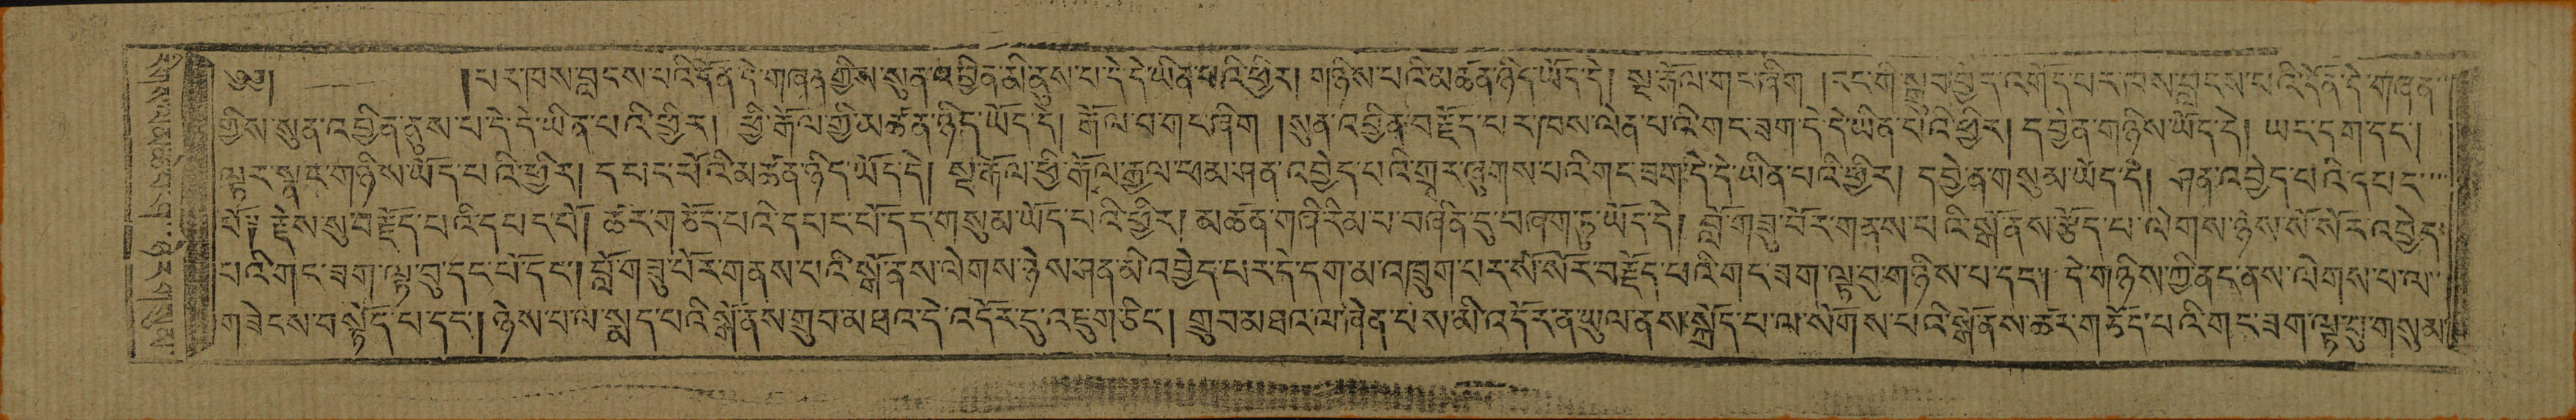༄༅། །པར་ཁས་བླངས་པའི་དོན་དེ་གཞན་གྱིས་སུན་འབྱིན་མི་ནུས་པ་དེ་དེ་ཡིན་པའི་ཕྱིར། གཉིས་པའི་མཚན་ཉིད་ཡོད་དེ། སྔ་རྒོལ་གང་ཞིག །རང་གི་སྒྲུབ་བྱེད་འགོད་པར་ཁས་བླངས་པའི་དོན་དེ་གཞན་
གྱིས་སུན་འབྱིན་ནུས་པ་དེ་དེ་ཡིན་པའི་ཕྱིར། ཕྱི་རྒོལ་གྱི་མཚན་ཉིད་ཡོད་དེ། རྒོལ་བ་གང་ཞིག །སུམ་འབྱིན་བརྗོད་པར་ཁས་ལེན་པའི་གང་ཟག་དེ་དེ་ཡིན་པའི་ཕྱིར། དབྱེ་ན་གཉིས་ཡོད་དེ། ཡང་དག་དང་།
ལྟར་སྣང་གཉིས་ཡོད་པའི་ཕྱིར། དབང་པོའི་མཚན་ཉིད་ཡོད་དེ། སྔ་རྒོལ་ཕྱི་རྒོལ་རྒྱལ་ཕམ་ཤན་འབྱེད་པའི་གྲྭར་ཞུགས་པའི་གང་ཟག་དེ་དེ་ཡིན་པའི་ཕྱིར། དབྱེ་ན་གསུམ་ཡོད་དེ། ཤན་འབྱེད་པའི་དབང་
པོ༑ རྗེས་སུ་བརྗོད་པའི་དཔང་པོ། ཚར་གཅོད་པའི་དཔང་པོ་དང་གསུམ་ཡོད་པའི་ཕྱིར། མཚན་གཞི་རིམ་པ་བཞིན་དུ་བཞག་ཏུ་ཡོད་དེ། བློ་གཟུ་བོར་གནས་པའི་སྒོ་ནས་རྩོད་པ་ལེགས་ཉེས་སོ་སོར་འབྱེད་
པའི་གང་ཟག་ལྟ་བུ་དང་པོ་དང་། བློ་གཟུ་པོར་གནས་པའི་སྒོ་ནས་ལེགས་ཉེས་ཤན་མི་འབྱེད་པར་དེ་དག་མ་འཁྲུག་པར་སོ་སོར་བརྗོད་པའི་གང་ཟག་ལྟ་བུ་གཉིས་པ་དང་། དེ་གཉིས་ཀྱི་ནང་ནས་ལེགས་པ་ལ་
གཟེངས་བསྟོད་པ་དང་། ཉེས་པ་ལ་སྨད་པའི་སྒོ་ནས་གྲུབ་མཐའ་དེ་འདོར་དུ་འཇུག་ཅིང་། གྲུབ་མཐའ་ལ་ཞེན་པས་མི་འདོར་ན་ཡུལ་ནས་སྐྲོད་པ་ལ་སོགས་པའི་སྒོ་ནས་ཚར་གཅོད་པའི་གང་ཟག་ལྟ་བུ་གསུམ་